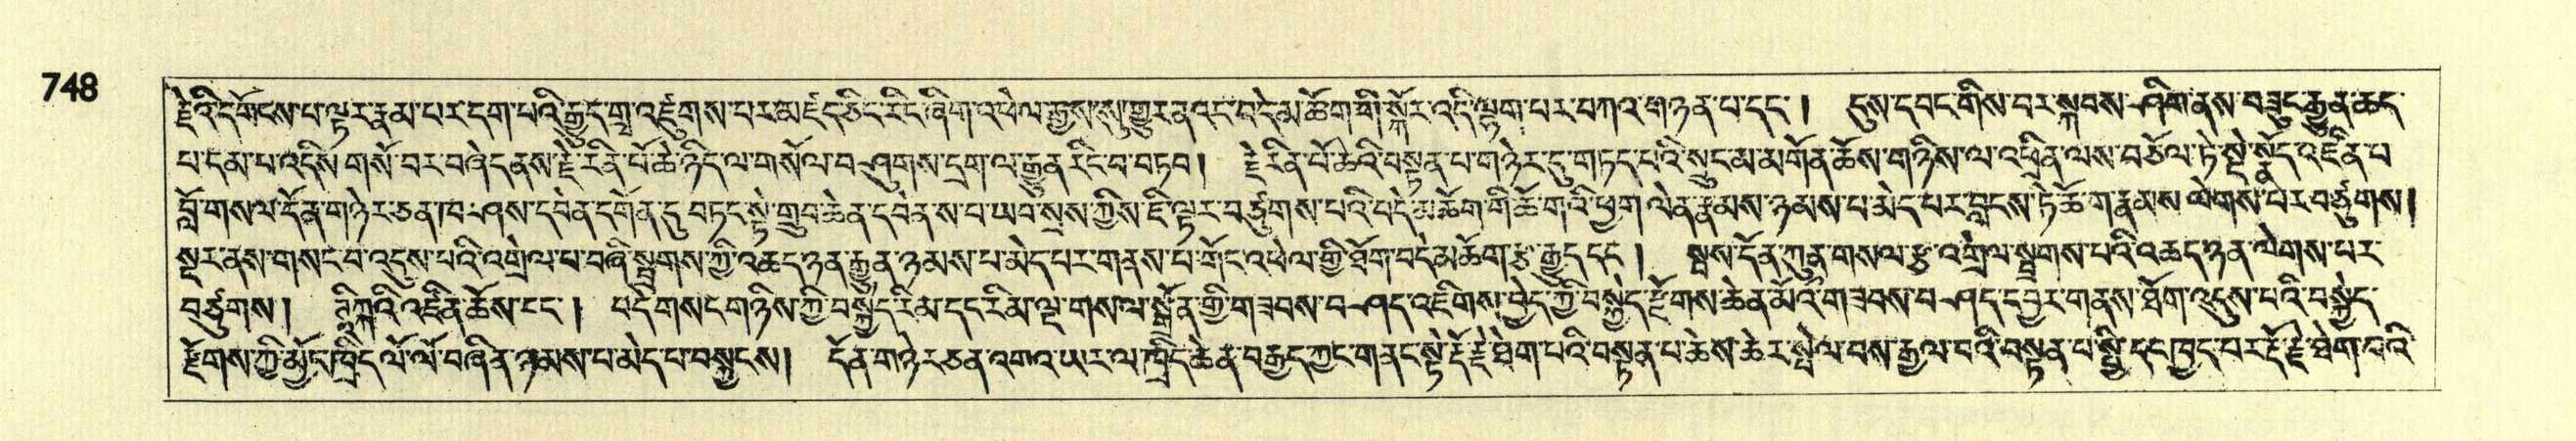རྗེའི་དགོངས་པ་ལྟར་རྣམ་པར་དག་པའི་རྒྱུད་གྲྭ་འཛུགས་པར་མཛད་ཅིང་རིང་ཞིག་འཕེལ་རྒྱས་སུ་གྱུར་ནའང་བདེ་མཆོག་གི་སྐོར་འདི་ལྷག་པར་བཀའ་གཉན་པ་དང་། དུས་དབང་གིས་བར་སྐབས་ཤིག་ནས་བཟུང་རྒྱུན་ཆད་
པ་དམ་པ་འདིས་གསོ་བར་བཞེད་ནས་རྗེ་རིན་པོ་ཆེ་ཉིད་ལ་གསོལ་བཤུགས་དྲག་ལ་རྒྱུན་རིང་བ་བཏབ། རྗེ་རིན་པོ་ཆེའི་བསྟན་པ་གཉེར་དུ་གཏད་པའི་སྲུང་མ་མགོན་ཆོས་གཉིས་ལ་འཕྲིན་ལས་བཅོལ་ཏེ་སྡེ་སྣོད་འཛིན་པ་
བློ་གསལ་དོན་གཉེར་ཅན་ཁ་ཤས་དབེན་དགོན་དུ་བཏང་སྟེ་གྲུབ་ཆེན་དབེན་ས་པ་ཡབ་སྲས་ཀྱིས་ཇི་ལྟར་བཙུགས་པའི་བདེ་མཆོག་གི་ཆོ་གའི་ཕྱག་ལེན་རྣམས་ཉམས་པ་མེད་པར་བླངས་ཏེ་ཆོ་ག་རྣམས་ལེགས་པར་བཙུགས།
སྔར་ནས་གསང་བ་འདུས་པའི་འགྲེལ་པ་བཞི་སྦྲགས་ཀྱི་འཆད་ཉན་རྒྱུན་ཉམས་པ་མེད་པར་གནས་པ་གོང་འཕེལ་གྱི་ཐོག་བདེ་མཆོག་རྩ་རྒྱུད་དང་། སྦས་དོན་ཀུན་གསལ་རྩ་འགྲེལ་སྦྲགས་པའི་འཆད་ཉན་ལེགས་པར་
བཙུགས། ཊཱིཀྐའི་འཛིན་ཆོས་དང་། བདེ་གསང་གཉིས་ཀྱི་བསྐྱེད་རིམ་དང་རིམ་ལྔ་གསལ་སྒྲོན་གྱི་གཟབས་བཤད་འཇིགས་བྱེད་ཀྱི་བསྐྱེད་རྫོགས་ཆེན་མོཨཱྀ་གཟབས་བཤད་དབྱར་གནས་ཐོག་འདུས་པའི་བསྐྱེད་
རྫོགས་ཀྱི་མྱོང་ཁྲིད་ལོ་ལོ་བཞིན་ཉམས་པ་མེད་པ་བསྐྱངས། དོན་གཉེར་ཅན་འགའ་ཡར་ལ་ཁྲིད་ཆེན་བརྒྱད་ཀྱང་གནང་སྟེ་རྡོ་རྗེ་ཐེག་པའི་བསྟན་པ་ཆེས་ཆེར་སྤེལ་བས་རྒྱལ་བའི་བསྟན་པ་སྤྱི་དང་ཁྱད་པར་རྡོ་རྗེ་ཐེག་བའི་